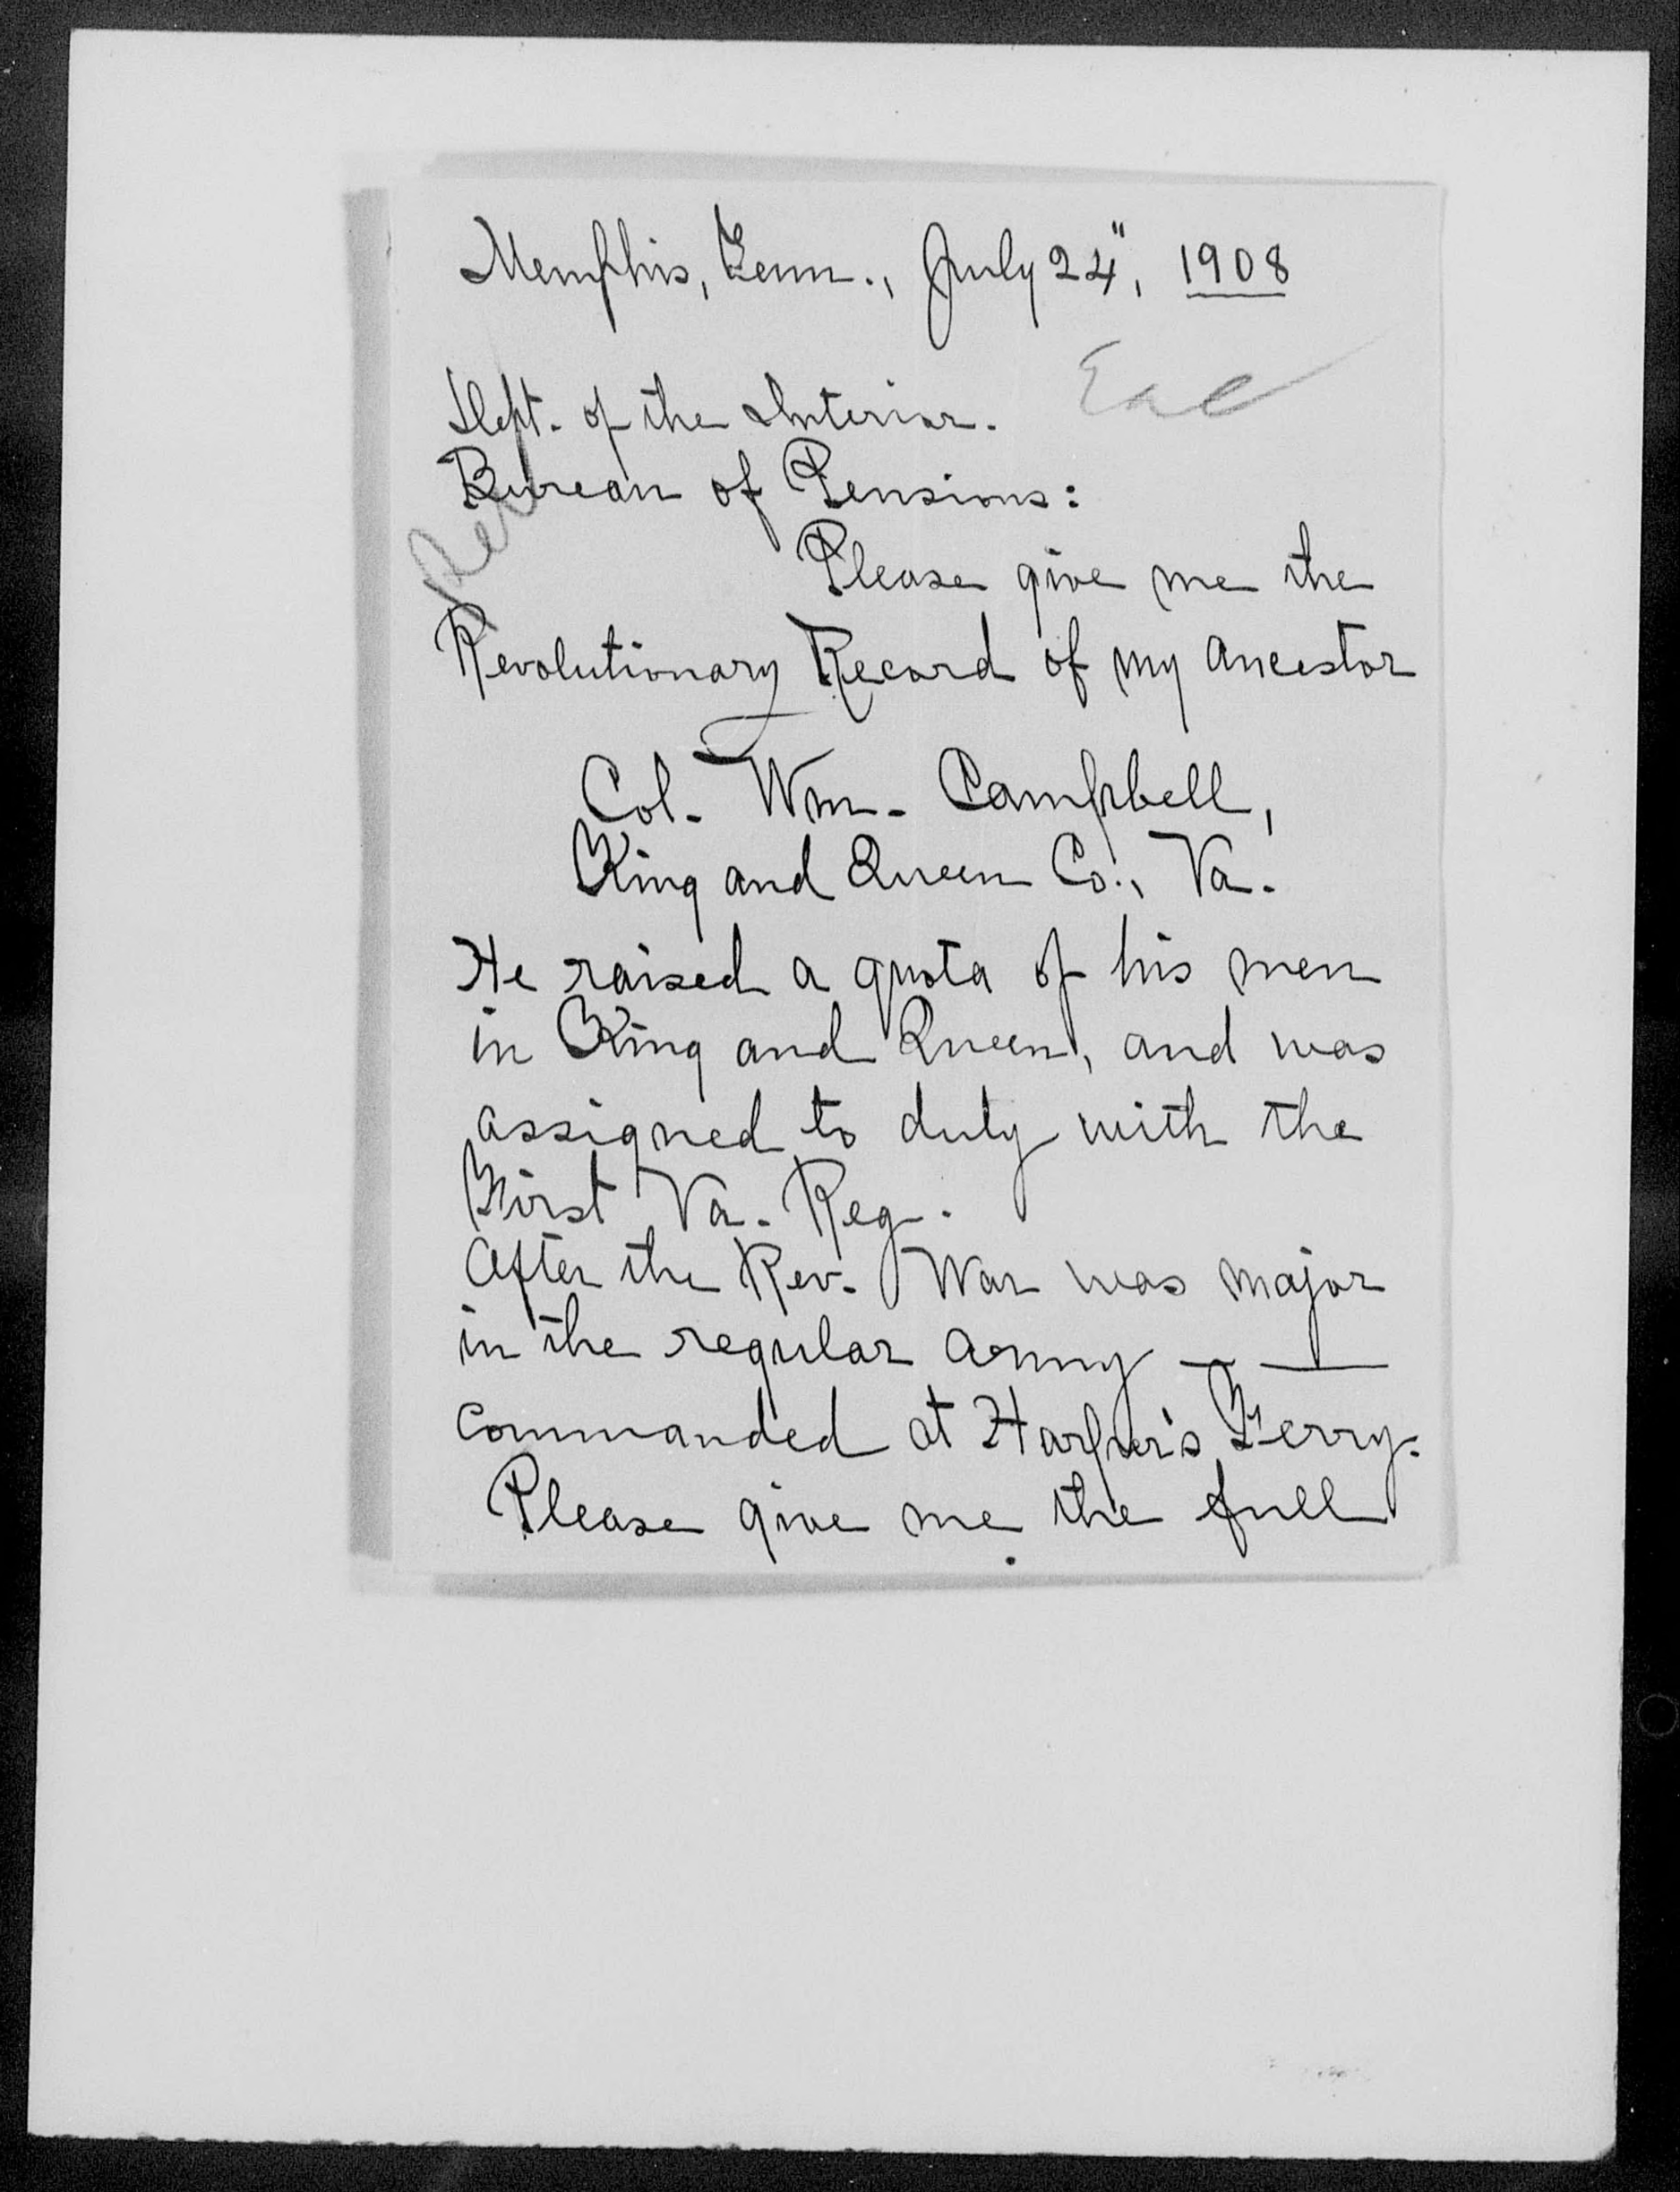Memphis, Tenn., July 24", 1908

Dept of the Interior.
Bureau of Pensions:
Please give me the Revolutionary Record of my ancestor Col. Wm. Campbell,
King and Queen Co., Va.
He raised a quota of his men in King and Queen, and was assigned to duty with the First Va. Reg.
After the Rev. War was major in the regular army - - commanded at Harper's Ferry. Please give me the full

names: Wm Campbell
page: 146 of 267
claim: widow's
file: W. 4,149, William Campbell, Va.